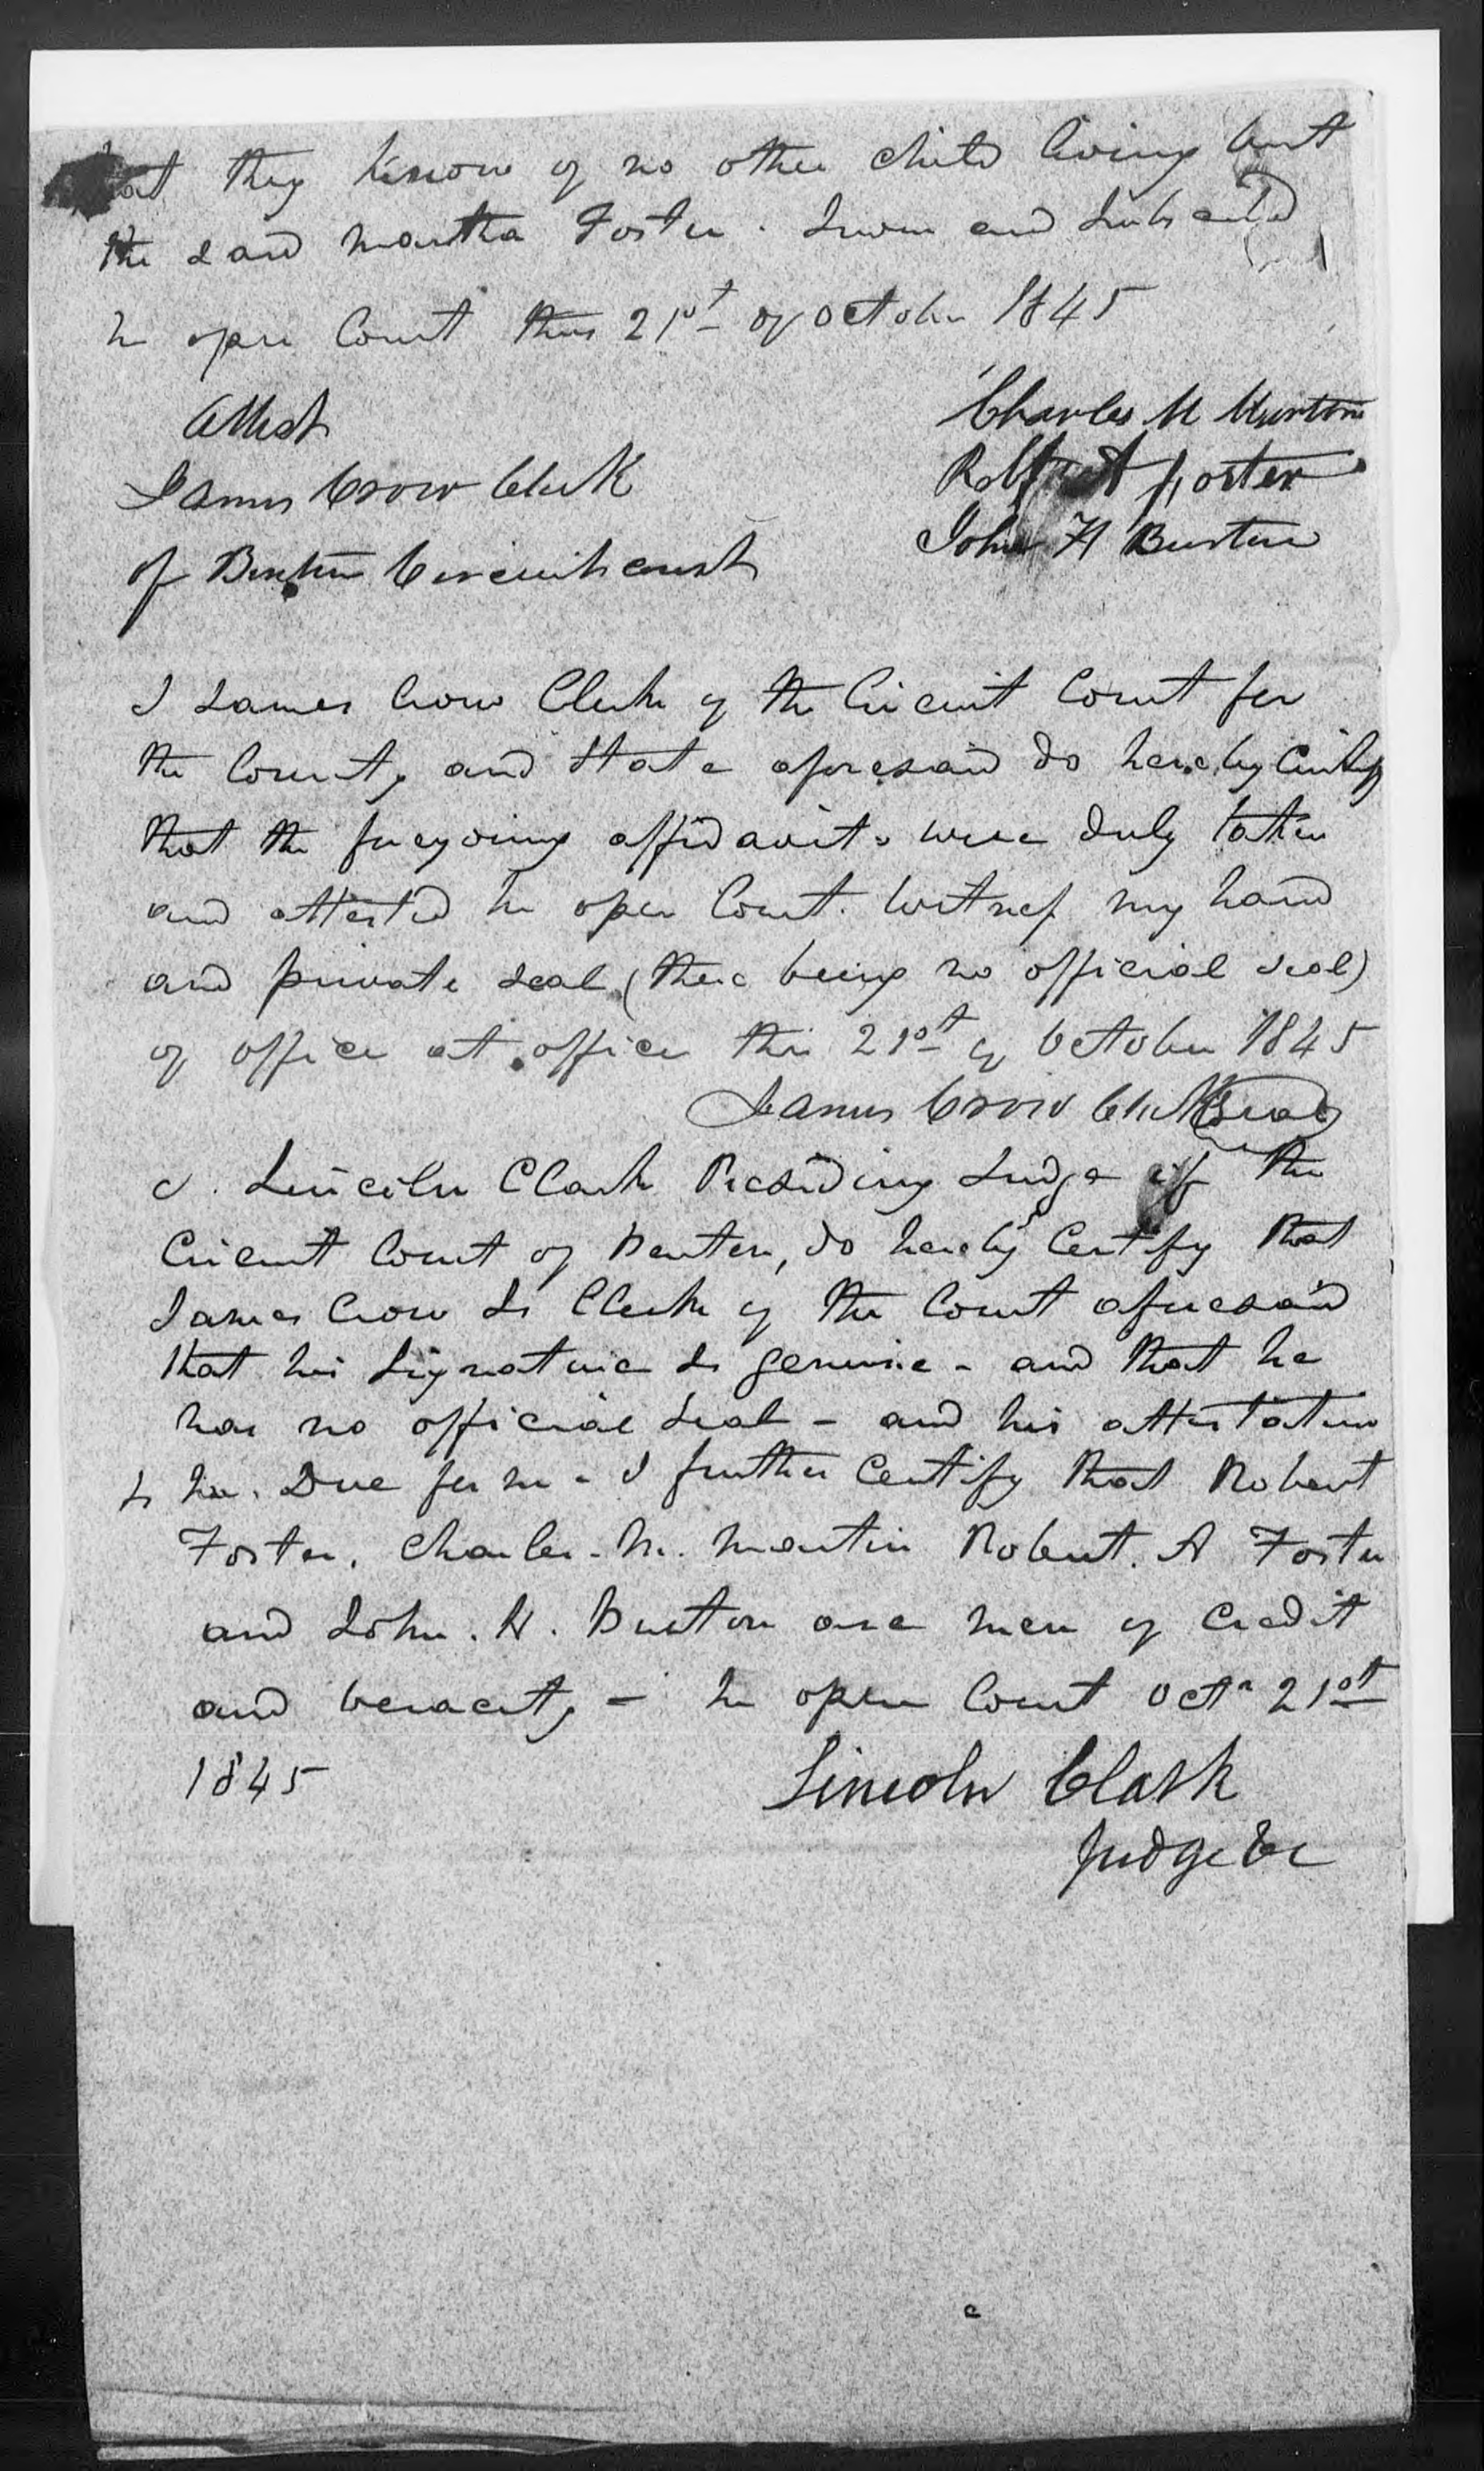they know of no other child living but
the said Martha Foster. Sworn and subscribed in open Court this 21st of October 1845
Attest James Crow Clerk of Benton Circuit Court
Charles M Martin
Robert Foster
John H Burton
I James Crow Clerk of the Circuit Court for the County and State aforesaid do here by Certify that the foregoing affidavits were duly taken
and attested in open Court. Witness my hand and private seal (there being no official seal) of office at office this 21st of October 1845
James Crow Clk
I Lincoln Clark presiding Judge of the
Circuit Court of Benton, do hereby certify that James Crow is Clerk of the Court aforesaid that his signature is genuine- and that he has no official seal, and his attestation, In law Due for me - I further certify that Robert
Foster, Charles M. Martin Robert A Foster and John H. Burton are due of credit and veracity. In open Court Oct 21st 1845
Lincoln Clark
Judge &c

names: Charles M Martin, Lincoln Clark, Lincoln Clark, Robert A Foster, John H Burton, Charles M Martin, James Crow, James Crow, James Crow, Robert Foster, James Crow, John H Burton, Robt A Foster, Martha Foster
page: 43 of 91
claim: widow's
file: W. 10576, Francis Carlisle, S.C.